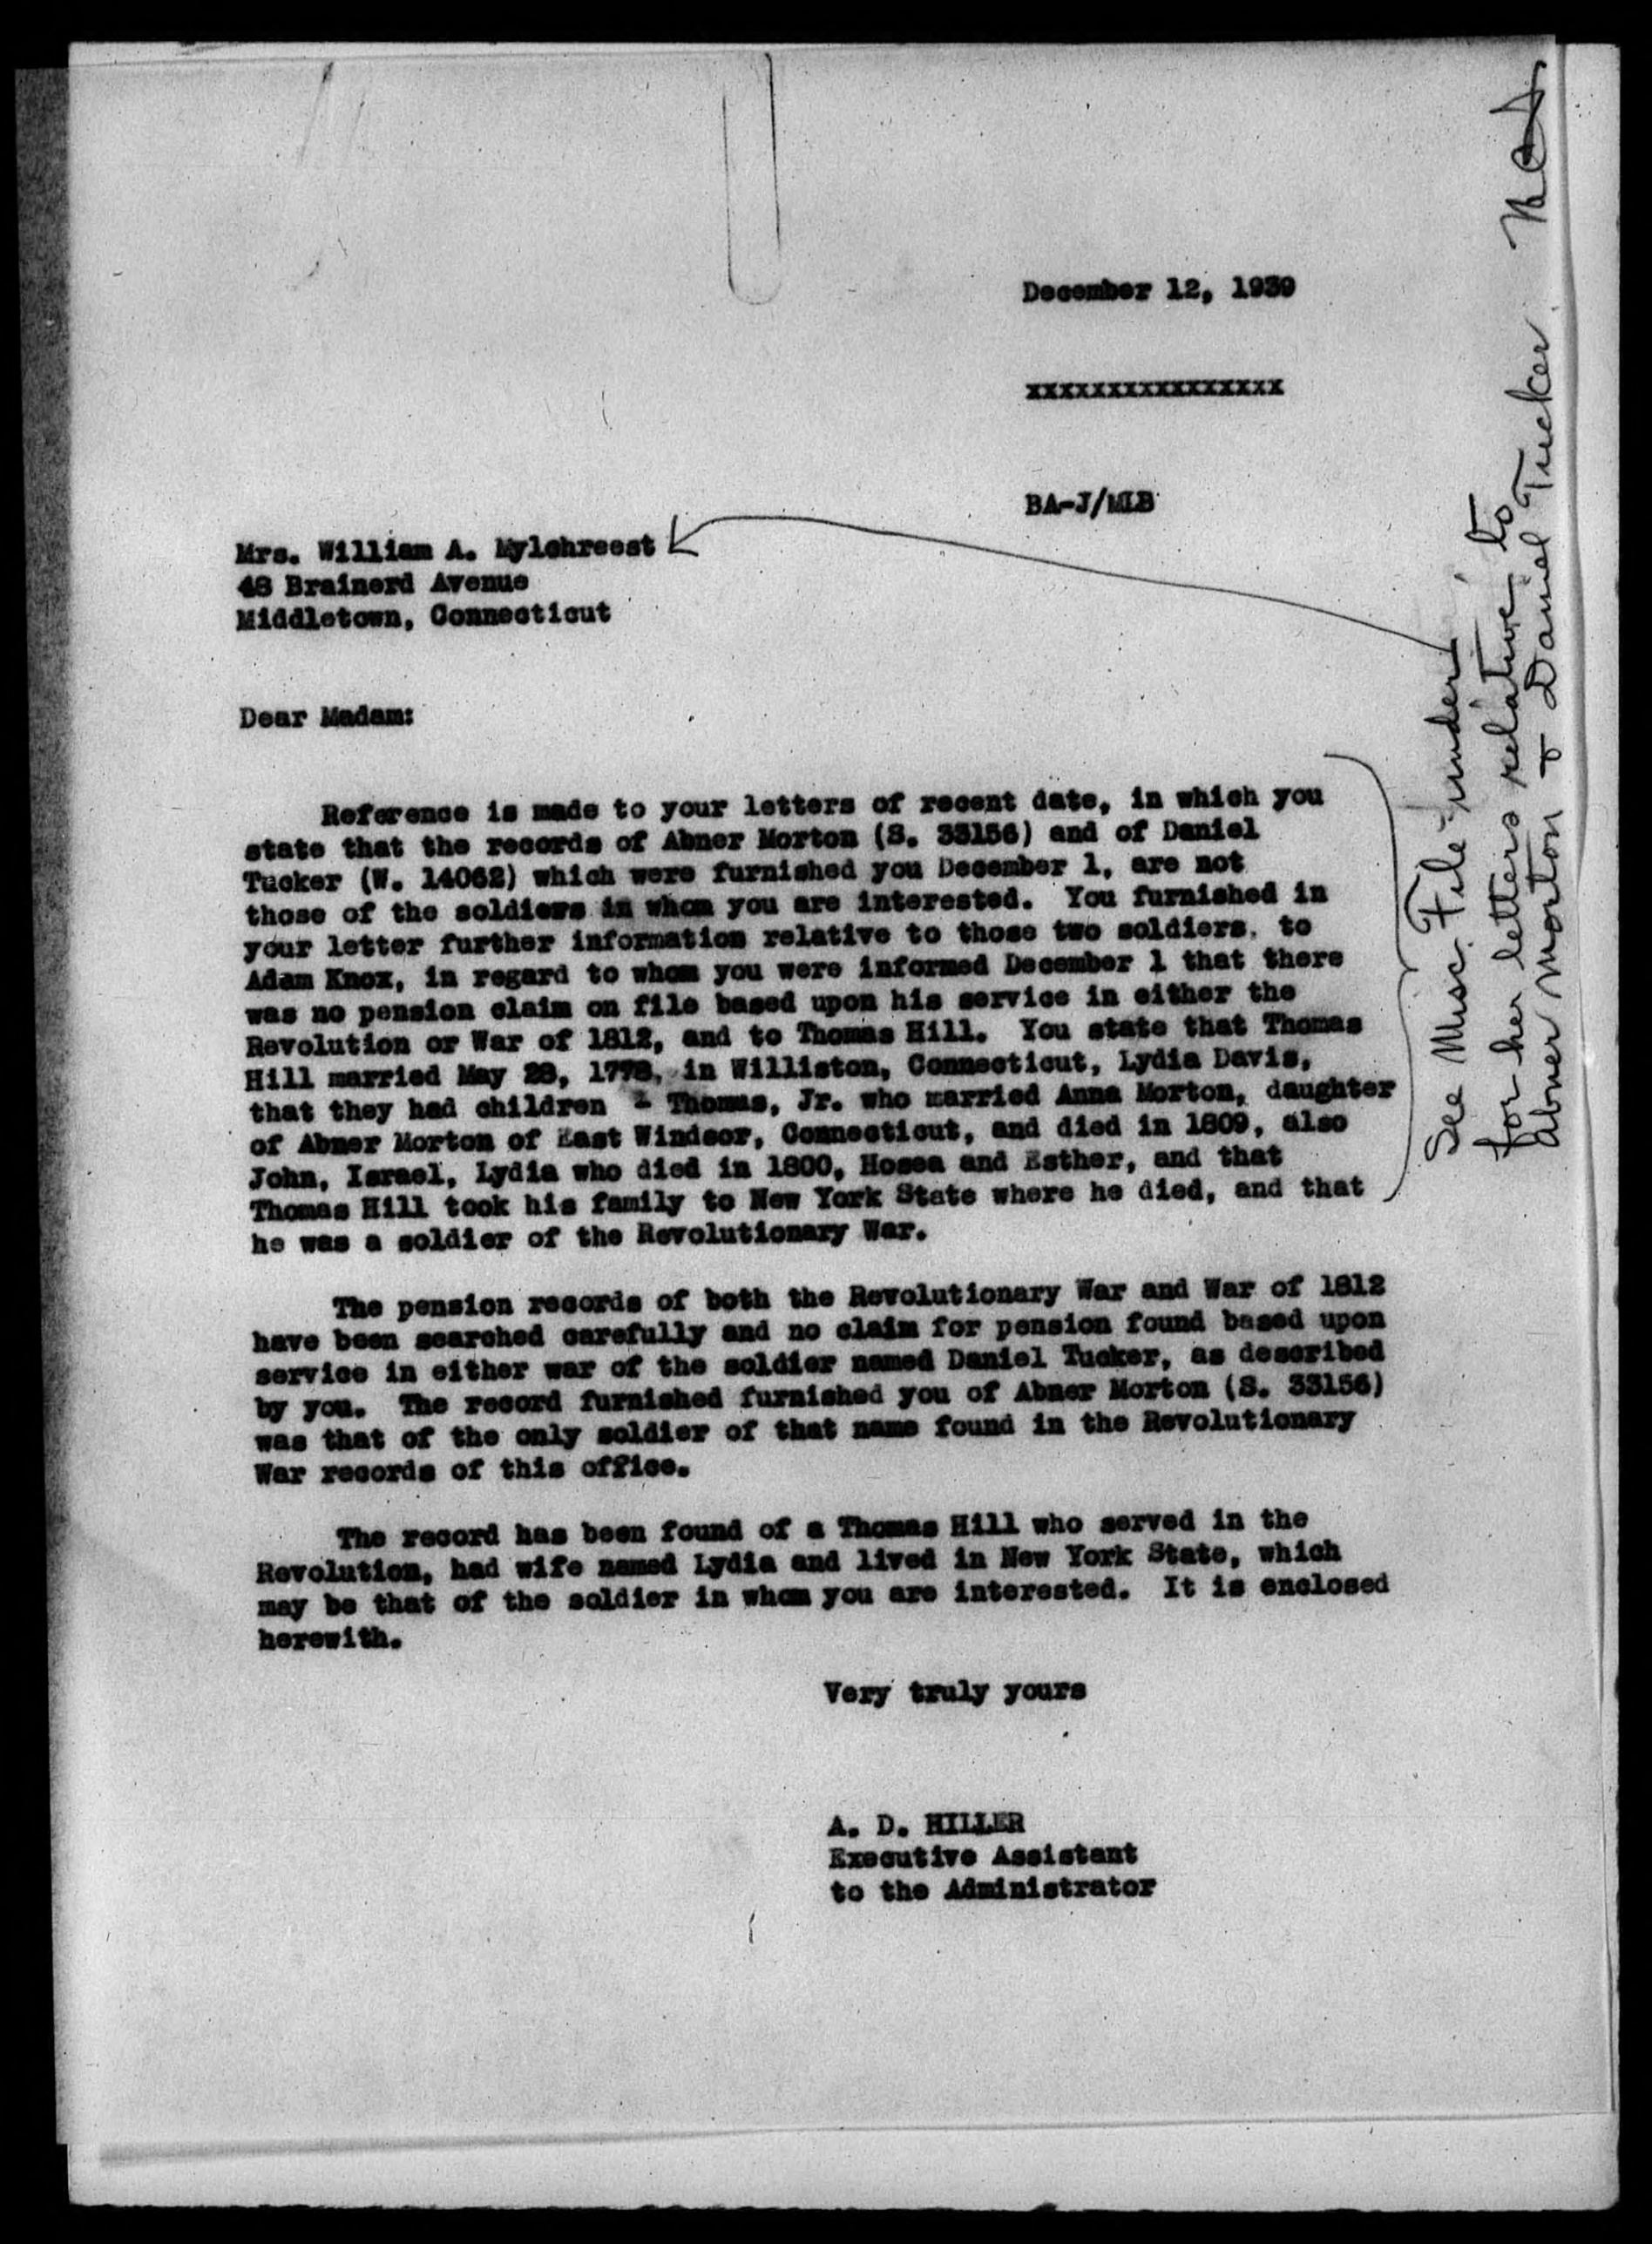December 18, 1939
xxxxxxxxxxxxxxxxx
BA-J/MLB

Mrs. William A. Mylchreest
46 Brainerd Avenue
Middletown, Connecticut

[First paragraph below is bracketed with handwritten vertical note in right margin] 
See misc. File under (handwritten arrow drawn from note to Mrs. William A. Mylchreest name) for her letters relative to Abner Morton and Daniel Tucker.
 
Dear Madam:

Reference is made to your letters of recent date, in which you state that the records of Abner Morton (S. 35156) and of Daniel Tucker (W. 14068) which were furnished you December 1, are not those of the soldiers in whom you are interested. You furnished in your letter further information relative to those two soldiers, to Adam Knox, in regard to whom you were informed December 1 that there was no pension claim on file based upon his service in either the Revolution or War of 1818, and to Thomas Hill. You state that Thomas Hill married May 28, 1778, in Williston, Connecticut, Lydia Davis, that they had children - Thomas, Jr. who married Anna Morton, daughter of Abner Morton of Kest Windsor, Connecticut, and died in 1809, also John, Israel, Lydia who died in 1800, Hossa and Esther, and that Thomas Hill took his family to New York State where he died, and that he was a soldier of the Revolutionary War.

[begin handwritten note, written vertically referring to the address and above paragraph]
See Misc. File under for her letters to Abner Morton + Daniel Tucker
[end note]

The pension records of both the Revolutionary War and War of 1818 have been searched carefully and no claim for pension found based upon service in either war of the soldier named Daniel Tucker, as described by you. The record furnished furnished you of Abner Morton (S. 33156) was that of the only soldier of that name found in the Revolutionary War records of this office.

The record has been found of a Thomas Hill who served in the Revolution, had wife named Lydia and lived in New York State, which may be that of the soldier in whom you are interested. It is enclosed herewith.

Very truly yours

A. D. HILLER
Executive Assistant
to the Administrator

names: John, Thomas Hill, Lydia, Abner Morton, Anna Morton, Thomas, A D Hiller, Daniel Tucker, Thomas Hill, Israel, Adam Knox, Abner Morton, Lydia Davis, Lydia, Thomas Hill, William A Mylchreest, Thomas Hill, Esther, Abner Morton, Hosea, Daniel Tucker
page: 21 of 31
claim: survivor's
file: S. 43672, Thomas Hill, New York